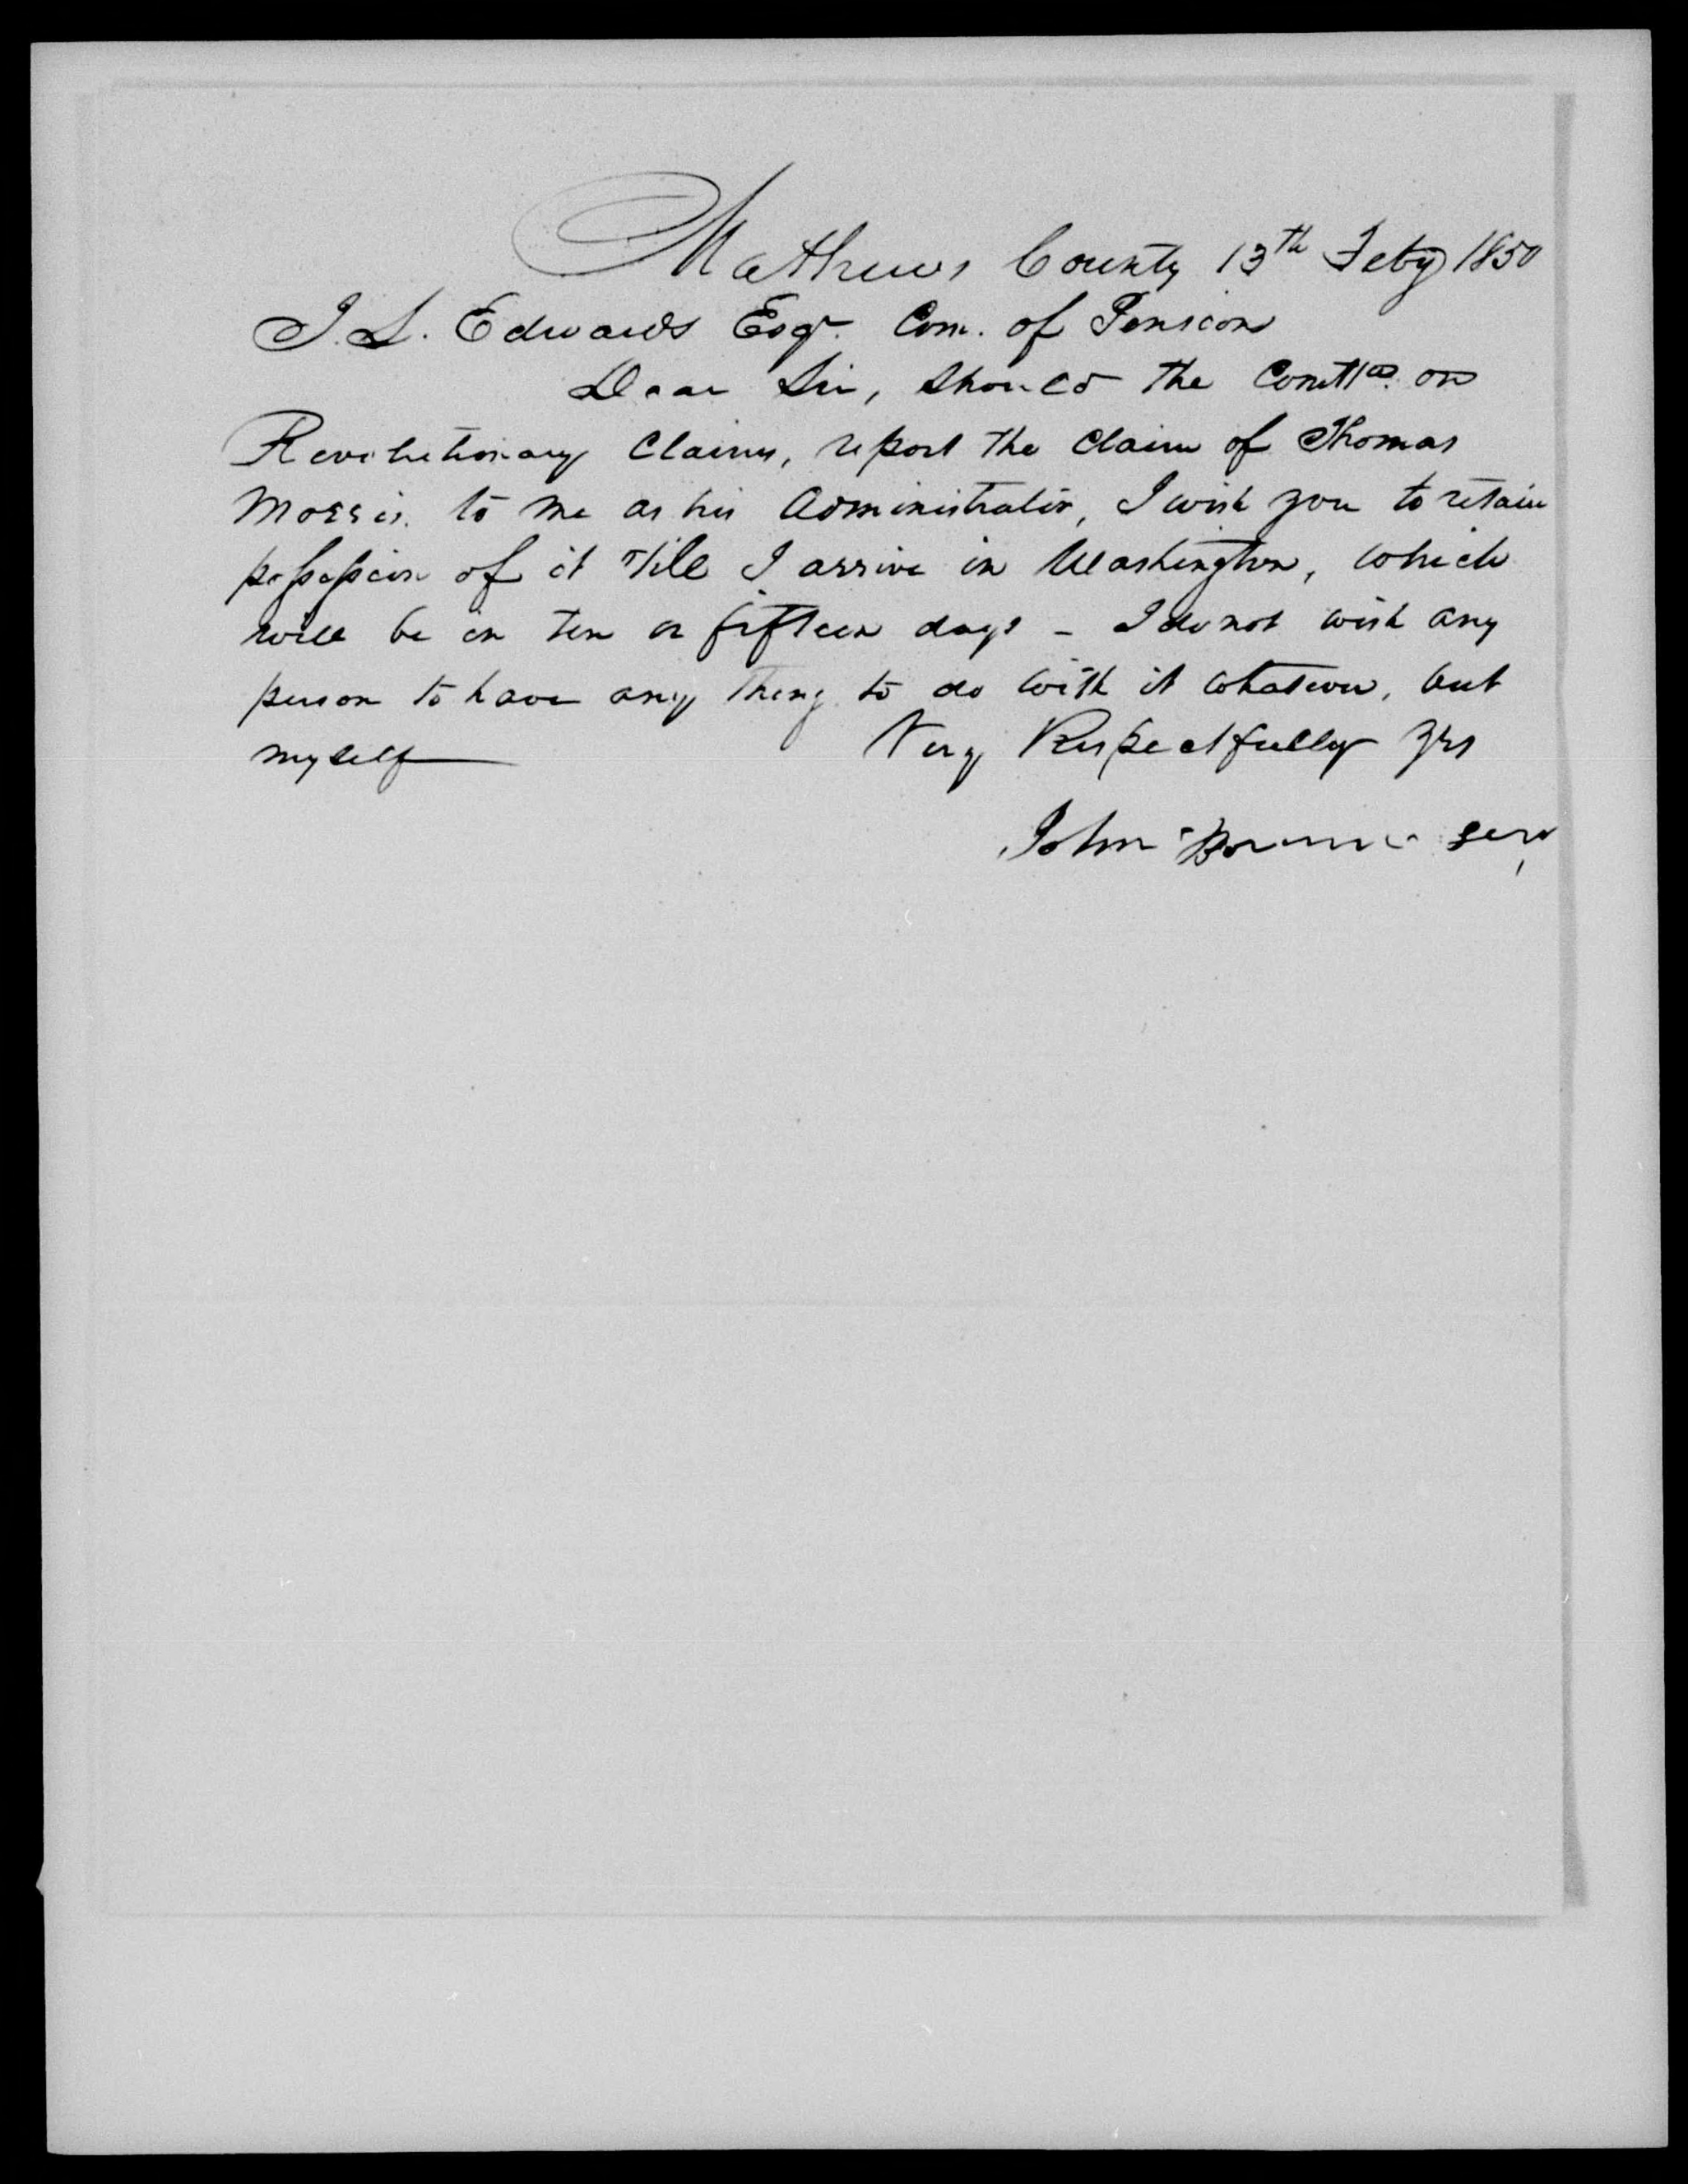Mathews County 13th Feby 1850 
J.L. Edwards Esqr. Com. of Pensions 
Dear Sir, should the court on Revolutionary Claims, report the claim of Thomas Morris to me as his administrator, I wish you to retain possession of it till I arrive in Washington, which will be in ten or fifteen days I do not wish any person to have any thing to do with it what ever but myself 
Very Respectfully Yrs 
John Borum  Sen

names: John Borum; J L Edwards; Thomas Morris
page: 24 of 30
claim: rejected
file: R. 16,555, for Thomas Morris, Georgia